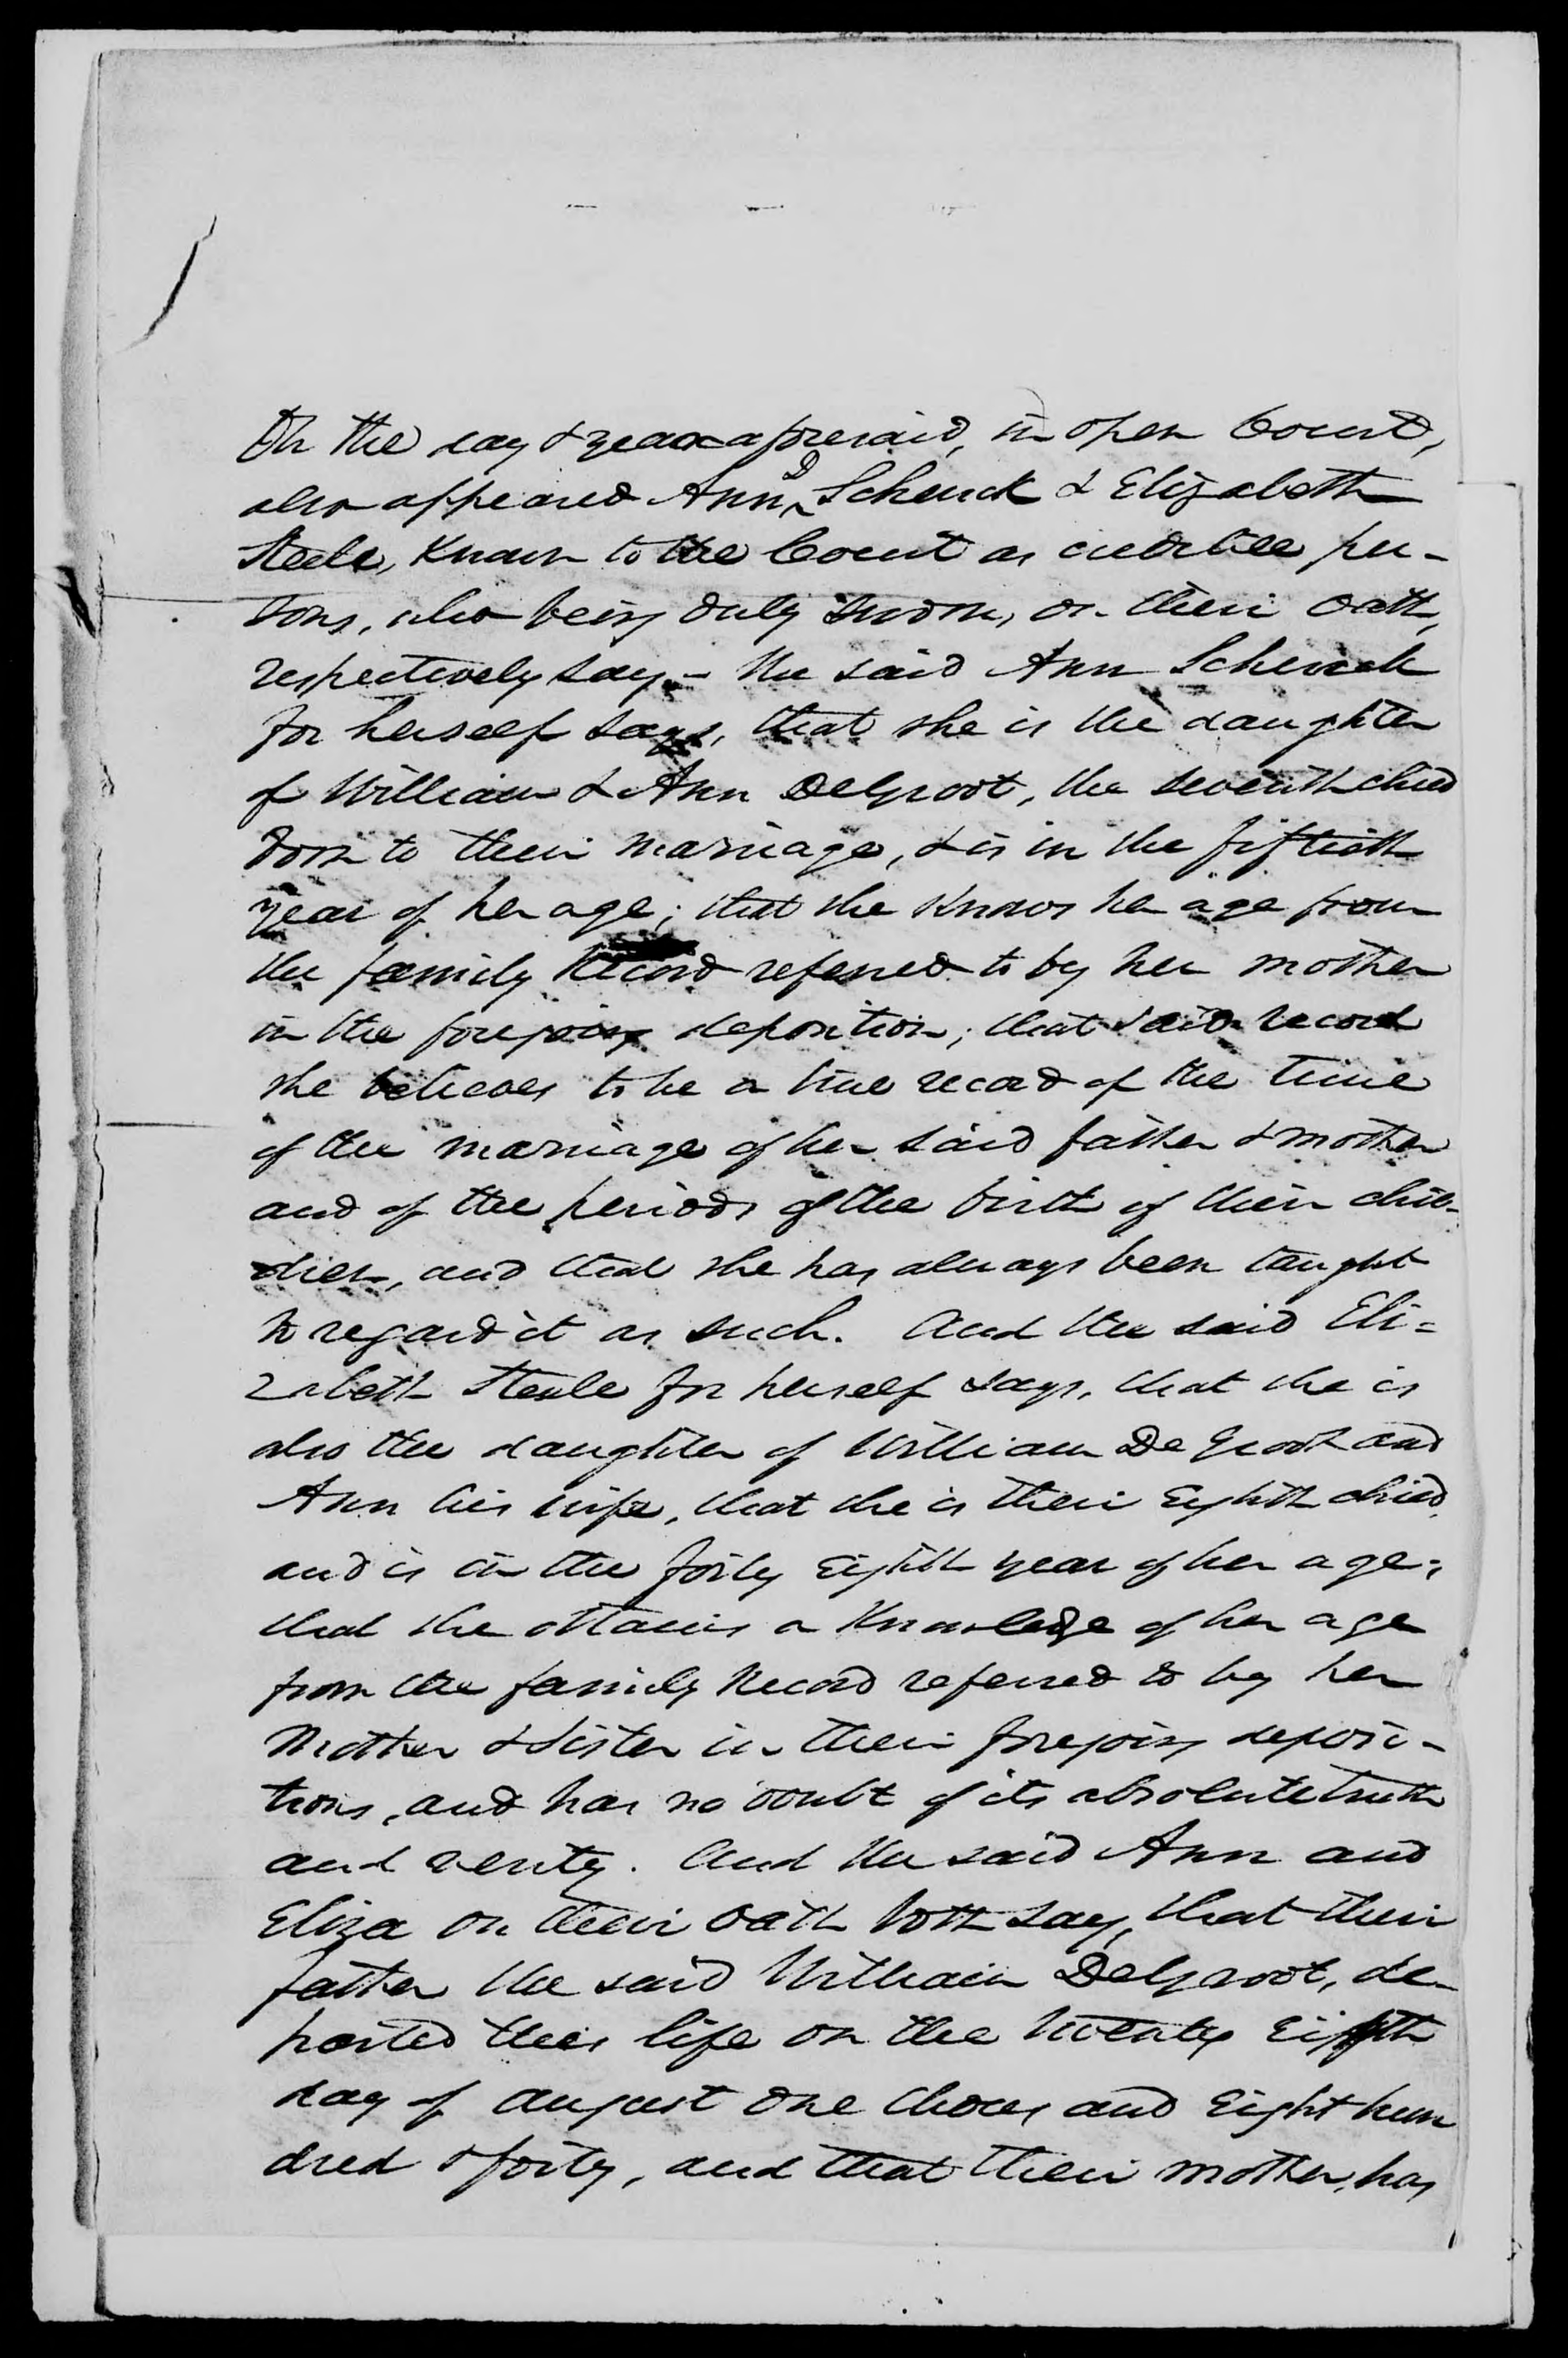On the day & year aforesaid, in open Court,
also appeared Ann D. Schenck & Elizabeth
Steele, known to the Court as credible persons, who being duly sworn, on their oath
respectively say- the said Ann Schenck for herself says, that she is the daughter of William & Ann DeGroot, the seventh child born to their marriage, & is in the fiftieth year of her age, that she knows her age from the family record referred to by her mother in the foregoing deposition; that said record she believes to be a true record of the time of the marriage of her said father & mother and of the periods of the births of their children, and that she has always been taught to regard it as such. And the said Elizabeth Steele for herself says, that she is
also the daughter of William De Groot and Ann his wife, that the is their eighth child and is in the forty eighth year of her age; that the attains a knowledge of her age from the family record referred to by her Mother & Sister in their foregoing depositions, and has no doubt of its absolute truth and verity. And the said Ann and
Eliza on their oath both say, that their father the said William Degroot, departed this life on the twenty eighth day of August One thousand Eight hundred & forty, and that their mother, has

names: William De Groot, Eliza, Ann D Schenck, Ann De Groot, William De Groot, Ann, Elizabeth Steele, William De Groot, Ann Schenck, Elizabeth Steele, Ann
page: 72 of 77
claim: widow's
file: W. 417, William De Groot, New Jersey